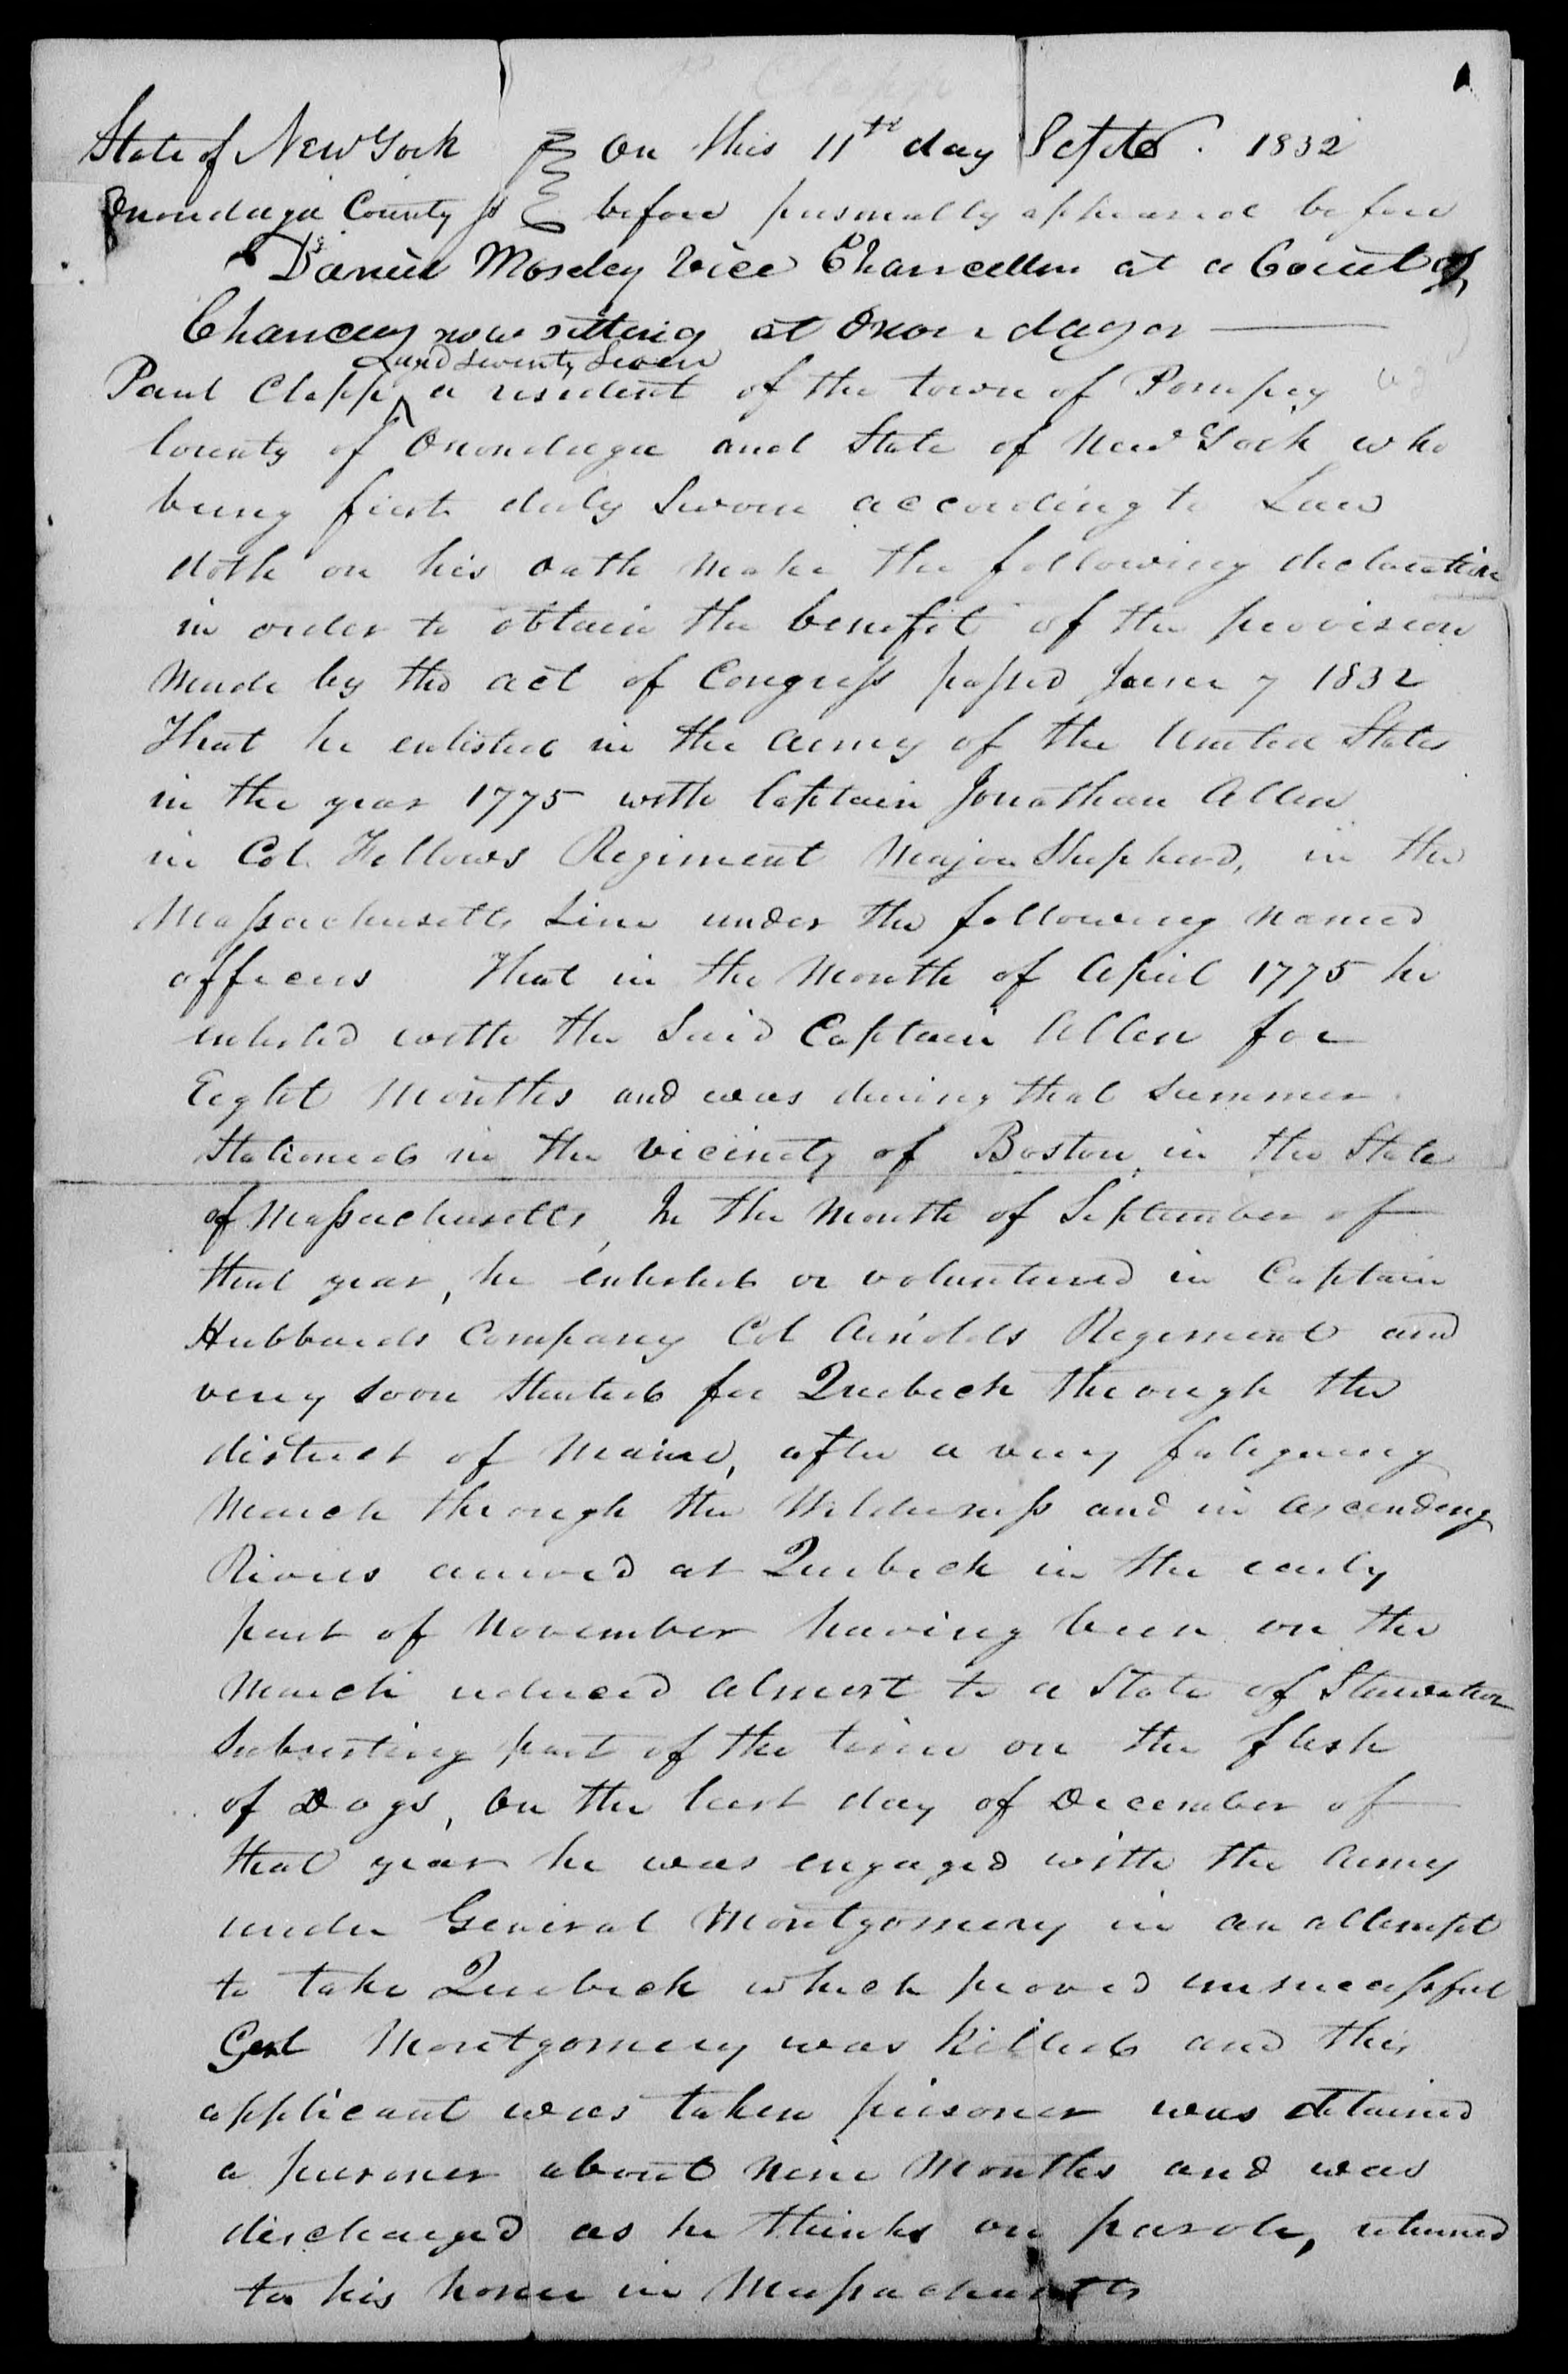State of New York Onondaga County ss}
On this 11th day of Sept'r 1832 before personally appeared before Daniel Moseley Vice Chancellor at a Court of Chancery now sitting at Onondaga - Paul Clapp aged Seventy Seven a resident of the town of Pompey County of Onondaga and State of New York who being first duly sworn according to Law doth on his oath make the following declaration in order to obtain the benefit of the provision made by the act of Congress passed June 7 1832 That he enlisted in the army of the United States in the year 1775 with Captain Jonathan Allen in Col. Fellows Regiment Major Shepherd, in the Massachusetts Line under the following named officers That in the month of April 1775 he enlisted with the said Captain Allen for eight months and was during that summer stationed in the vicinity of Boston in the State of Massachusetts In the month of September of that year, he enlisted or volunteered in Captain Hubbard's Company Col Arnold's Regiment and very soon started for Quebeck through the district of Maine, after a very fatiguing march through the Wilderness and in ascending Rivers arrived at Quebeck in the early part of November having been on the march reduced almost to a state of Starvation subsisting part of the time on the flesh of Dogs. On the last day of December of that year he was engaged with the army under General Montgomery in an attempt to take Quebeck which proved unsuccessful. Genl Montgomery was killed and this applicant was taken prisoner was detained a prisoner about nine months and was discharged as he thinks on parole, returned to his home in Massachusetts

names: Paul Clapp, Montgomery, Montgomery, Chanceey, Daniel Moseley, Shepherd, Allen, Jonathan Allen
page: 4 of 42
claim: survivor's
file: S. 29078, Paul Clapp, Mass.